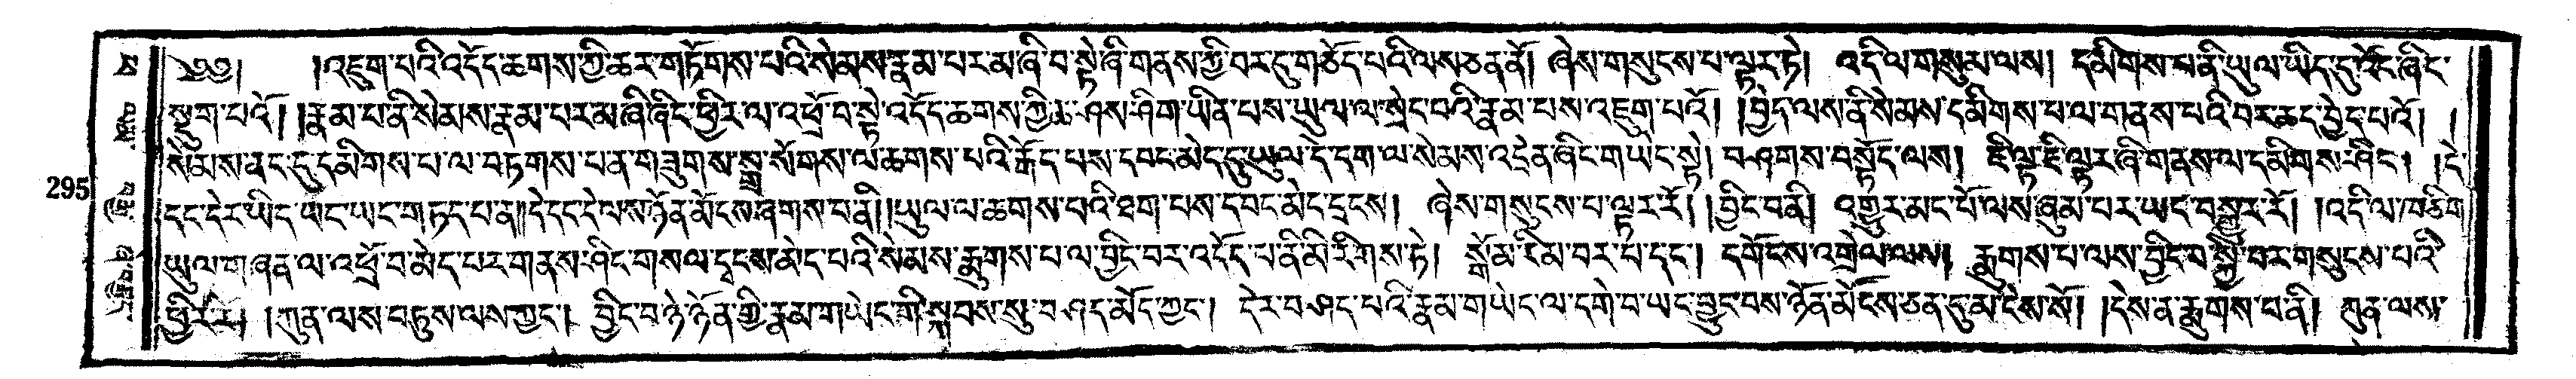༄༅། །འཇུག་པའི་འདོད་ཆགས་ཀྱི་ཆར་གཏོགས་པའི་སེམས་རྣམ་པར་མ་ཞི་བ་སྟེ་ཞི་གནས་ཀྱི་བར་དུ་གཅོད་པའི་ལས་ཅན་ནོ། ཞེས་གསུངས་པ་ལྟར་ཏེ། འདི་ལ་གསུམ་ལས། དམིགས་པ་ནི་ཡུལ་ཡིད་དུ་འོང་ཞིང་
སྡུག་པའོ། །རྣམ་པ་ནི་སེམས་རྣམ་པར་མ་ཞི་ཞིང་ཕྱིར་ལ་འཕྲོ་བ་སྟེ་འདོད་ཆགས་ཀྱི་ཆ་ཤས་ཤིག་ཡིན་པས་ཡུལ་ལ་སྲེང་བའི་རྣམ་པས་འཇུག་པའོ། །བྱེད་ལས་ནི་སེམས་དམིགས་པ་ལ་གནས་པའི་བར་ཆད་བྱེད་པའོ། །
སེམས་ནང་དུ་དམིགས་པ་ལ་བཏགས་པ་ན་གཟུགས་སྒྲ་སོགས་ལ་ཆགས་པའི་རྒོད་པས་དབང་མེད་དུ་ཡུལ་དེ་དག་ལ་སེམས་འདྲེན་ཞིང་གཡེང་སྟེ། བཤགས་བསྟོད་ལས། ཇི་ལྟ་ཇི་ལྟར་ཞི་གནས་ལ་དམིགས་ཤིང་། །དེ་
དང་དེར་ཡིད་ཡང་ཡང་གཏད་པ་ན། །དེ་དང་དེ་ལས་ཉོན་མོངས་ཞགས་པ་ནི། །ཡུལ་ལ་ཆགས་པའི་ཐག་པས་དབང་མེད་དྲངས། ཞེས་གསུངས་པ་ལྟར་རོ། །བྱིང་བ་ནི། འགྱུར་མང་པོ་ལས་ཞུམ་པར་ཡང་བསྒྱུར་རོ། །འདི་ལ་ཁ་ཅིག་
ཡུལ་གཞན་ལ་འཕྲོ་བ་མེད་པར་གནས་ཤིང་གསལ་དྭངས་མེད་པའི་སེམས་རྨུགས་པ་ལ་བྱིང་བར་འདོད་པ་ནི་མི་རིགས་ཏེ། སྒོམ་རིམ་བར་པ་དང་། དགོངས་འགྲེལ་ལས། རྨུགས་པ་ལས་བྱིང་བ་སྐྱེ་བར་གསུངས་པའི་
ཕྱིར་རོ། །ཀུན་ལས་བཏུས་ལས་ཀྱང་། བྱིང་བ་ཉེ་ཉོན་གྱི་རྣམ་གཡེང་གི་སྐབས་སུ་བཤད་མོད་ཀྱང་། དེར་བཤད་པའི་རྣམ་གཡེང་ལ་དགེ་བ་ཡང་བྱུང་བས་ཉོན་མོངས་ཅན་དུ་མ་ངེས་སོ། །དེས་ན་རྨུགས་པ་ནི། ཀུན་ལས་